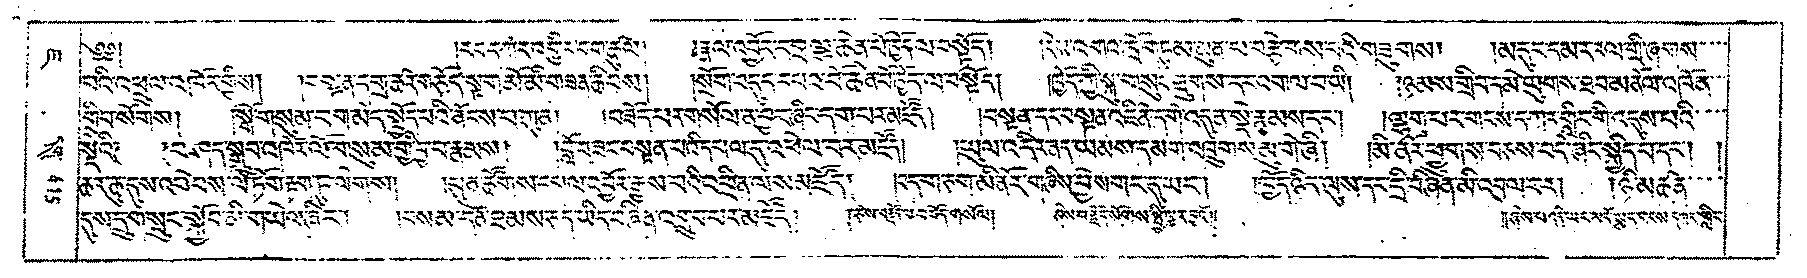༄༅། །རབ་དཀར་འགྱིང་བག་ཚུལ། །རྣལ་འབྱོར་དགྲ་ལྷ་ཆེན་པོ་ཁྱོད་ལ་བསྟོད། །རེས་འགའ་ཁྲོ་གཏུམ་མུན་པ་བརྩེགས་པའི་གཟུགས། །མདུང་དམར་རལ་གྲི་ཞགས་
པའི་འཕྲུལ་འཁོར་གྱིས། །བསྟན་དགྲ་ཚར་གཅོད་སྟག་མོ་མི་གཟན་ཆིབས། །སྲོག་བདུད་དཔའ་བོ་ཆེན་པོ་ཁྱོད་ལ་བསྟོད། །ཁྱོད་ཀྱི་སྐུ་གསུང་ཐུགས་དང་འགལ་བ་ཡི། །ཉམས་གྲིབ་དམེ་ཡུགས་ཐབ་མནོལ་འཁོན་
གྲིབ་སོགས། །སྒོ་གསུམ་བག་མེད་སྤྱོད་པའི་ནོངས་པ་ཀུན། །བཟོད་པར་གསོལ་ན་བྱང་ཞིང་དག་པར་མཛོད། །བསྟན་དང་བསྟན་འཛིན་དགེ་འདུན་སྡེ་རྣམས་དང་། །ལྷག་པར་གངས་དཀར་གླིང་གི་འདུས་པའི་
སྡེའི། །བཤད་སྒྲུབ་འཁོར་ལོ་གསུམ་གྱི་བྱ་བ་རྣམས། །བློ་བཟང་བསྟན་པའི་དཔལ་དུ་འཕེལ་བར་མཛོད། །ཡུལ་འདིར་ནད་ཡམས་དམག་འཁྲུགས་མུ་གེ་ཞི། །མི་ནོར་ཕྱུགས་བཅས་བདེ་ཞིང་སྐྱིད་པ་དང་། །
ཆར་ཆུ་དུས་འབེབས་ལོ་ཏོག་རྟག་ཏུ་ལེགས། །ཕུན་ཚོགས་དཔལ་འབྱོར་རྒྱས་པའི་འཕྲིན་ལས་མཛོད། །བདག་ཅག་མི་ནོར་གཞིས་བྱེས་གང་དུ་ཡང་། །ཁྱོད་ཉིད་ལུས་དང་དྲི་བཞིན་མི་འབྲལ་བར། །ཉི་མཚན་
དུས་དྲུག་སྲུང་སྐྱོབ་མི་གཡེལ་ཞིང་། །བསམ་དོན་ཐམས་ཅད་ཡིད་བཞིན་འགྲུབ་པར་མཛོད། །ཅེས་བརྗོད་ལ་བཟོད་གསོལ། ཤིས་བརྗོད་སོགས་སྤྱི་ལྟར་བྱའོ།། །།ཞེས་པ་འདི་ཡང་མདོ་སྨད་གངས་དཀར་གླིང་